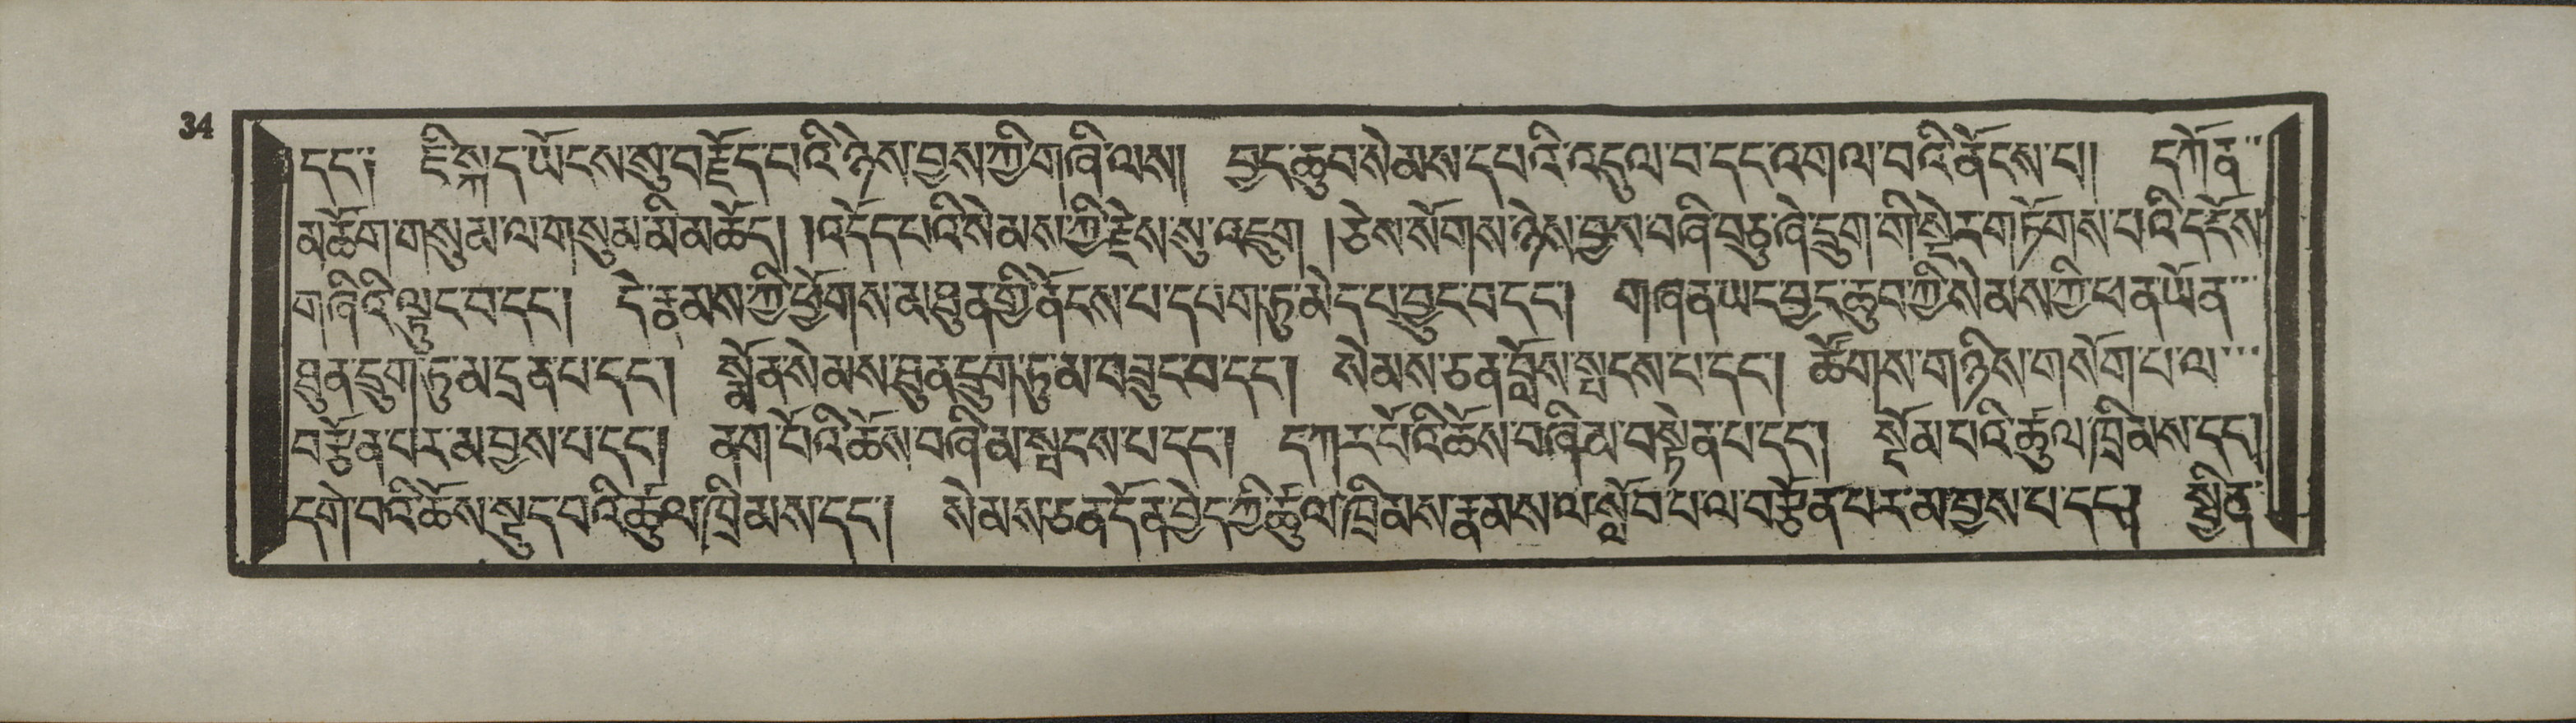དང༑ ཇི་སྐད་ཡོངས་སུ་བརྗོད་པའི་ཉེས་བྱས་ཀྱི་གཞི་ལས། བྱང་ཆུབ་སེམས་དཔའི་འདུལ་བ་དང་འགལ་བའི་ནོངས་པ། དཀོན་
མཆོག་གསུམ་ལ་གསུམ་མི་མཆོད། །འདོད་པའི་སེམས་ཀྱི་རྗེས་སུ་འཇུག །ཅེས་སོགས་ཉེས་བྱས་བཞི་བཅུ་ཞེ་དྲུག་གི་སྡེར་གཏོགས་པའི་དངོས་
གཞིའི་ལྟུང་བ་དང་། དེ་རྣམས་ཀྱི་ཕྱོགས་མཐུན་གྱི་ནོངས་པ་དཔག་ཏུ་མེད་པ་བྱུང་བ་དང་། གཞན་ཡང་བྱང་ཆུབ་ཀྱི་སེམས་ཀྱི་ཕན་ཡོན་
ཐུན་དྲུག་ཏུ་མ་དྲན་པ་དང་། སྨོན་སེམས་ཐུན་དྲུག་ཏུ་མ་བཟུང་བ་དང་། སེམས་ཅན་བློས་སྤངས་པ་དང་། ཚོགས་གཉིས་གསོག་པ་ལ་
བརྩོན་པར་མ་བྱས་པ་དང་། ནག་པོའི་ཆོས་བཞི་མ་སྤངས་པ་དང་། དཀར་པོའི་ཆོས་བཞི་མ་བསྟེན་པ་དང་། སྡོམ་པའི་ཚུལ་ཁྲིམས་དང་།
དགེ་བའི་ཆོས་སྡུད་པའི་ཚུལ་ཁྲིམས་དང་། སེམས་ཅན་དོན་བྱེད་ཀྱི་ཚུལ་ཁྲིམས་རྣམས་ལ་སློབ་པ་ལ་བརྩོན་པར་མ་བྱས་པ་དང་། སྦྱིན་